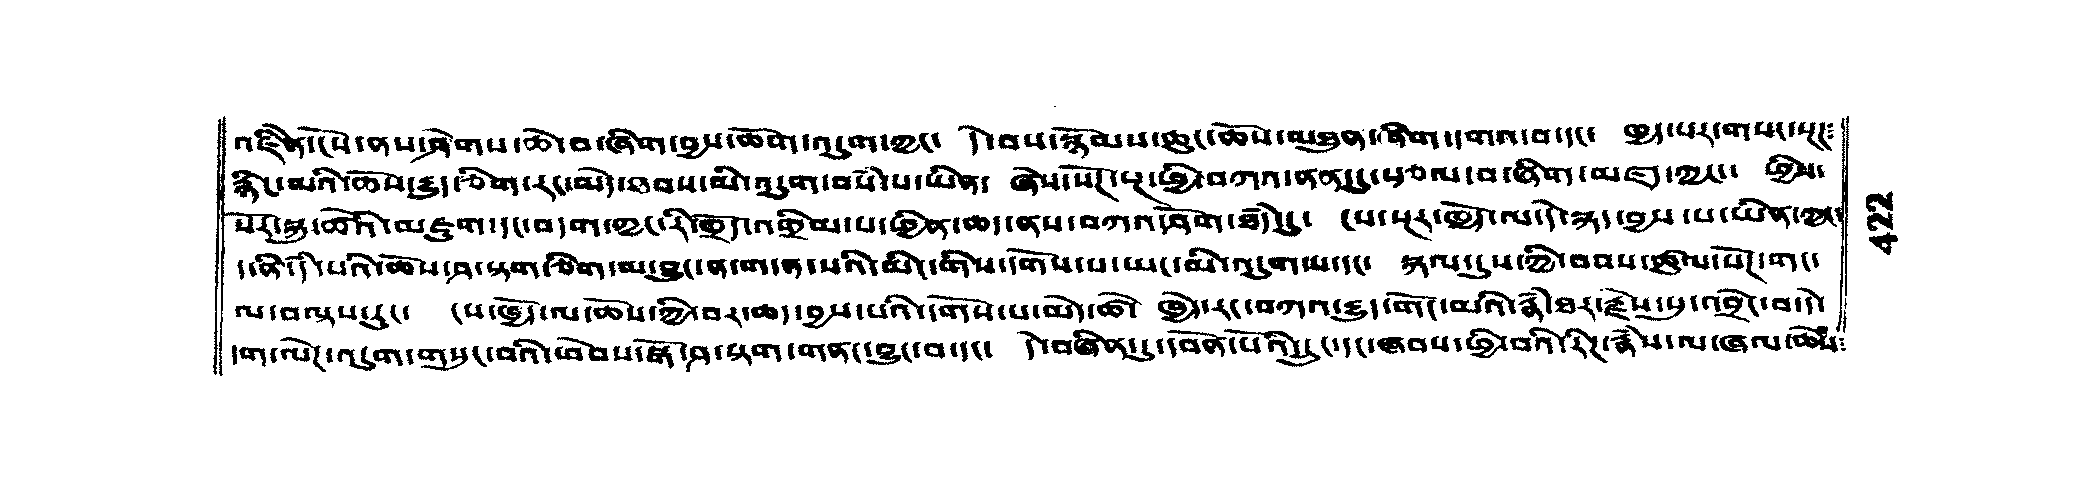འཇིག་རྟེན་ངོས་ནས་ཤོགས་ཆེ་བ་ཞིག་བྱས་ཆོག་འདུག་ཀྱང་། དེ་བས་སྙོམས་ཆུང་ཆོས་མཐུན་ཞིག་དགའ་བ་དང་། ཁྱད་པར་གསང་སྔགས་
རྙིང་མའི་ཆོས་རྒྱུད་གཅིག་རང་མེད་ཐབས་མི་འདུག་བསམ་པ་ཡིན། ཞེས་སོགས་སྔ་ཕྱི་བཀའ་ནན་དུ་སྩལ་བ་ཞིག་མཛད་ཀྱང་། ཕྱིས་
སོར་སྐུ་ཚེའི་མཇུག་དག་བདག་ཀྱང་རི་ཁྲོད་འགྲིམ་པ་ཕྱིན་ཆད་ནས་བཀའ་ཤོག་ཐམས་ཅད་དུ། ངས་སྔར་ཁྱོད་ལ་དེ་སྐད་བྱས་པ་ཡིན་ཀྱང་། 
དེ་ནི་དམ་པའི་ཆོས་ཤ་སྟག་ཅིག་མ་བྱུང་ན་གདན་སའི་མིང་གིས་དགོས་པ་ཡང་མི་འདུག་པ་དང་། སྐལ་དུས་ཀྱི་བབས་ཚུལ་སོགས་གང་
ལ་བལྟས་རུང་། ངས་ཁྱོད་ལ་ཆོས་ཀྱི་བར་ཆད་བྱས་པའི་དགོས་པ་མེད་ཚེ། ཁྱེད་རང་བཀའ་རྒྱུད་གོང་མའི་རྣམ་ཐར་གྱི་རྗེས་སུ་འབྲང་བ་དེ་
དག་ལེགས་འདུག་ཅེས་གསང་བའི་ཕེབས་སྒོ་ཤ་སྟག་གནང་བྱུང་བ་དང་། དེ་བཞིན་དུ་དབོན་པོའི་དྲུང་དང་ཞབས་ཕྱི་བའི་རིགས་རྣམས་ལ་ཞལ་ཆེམས་